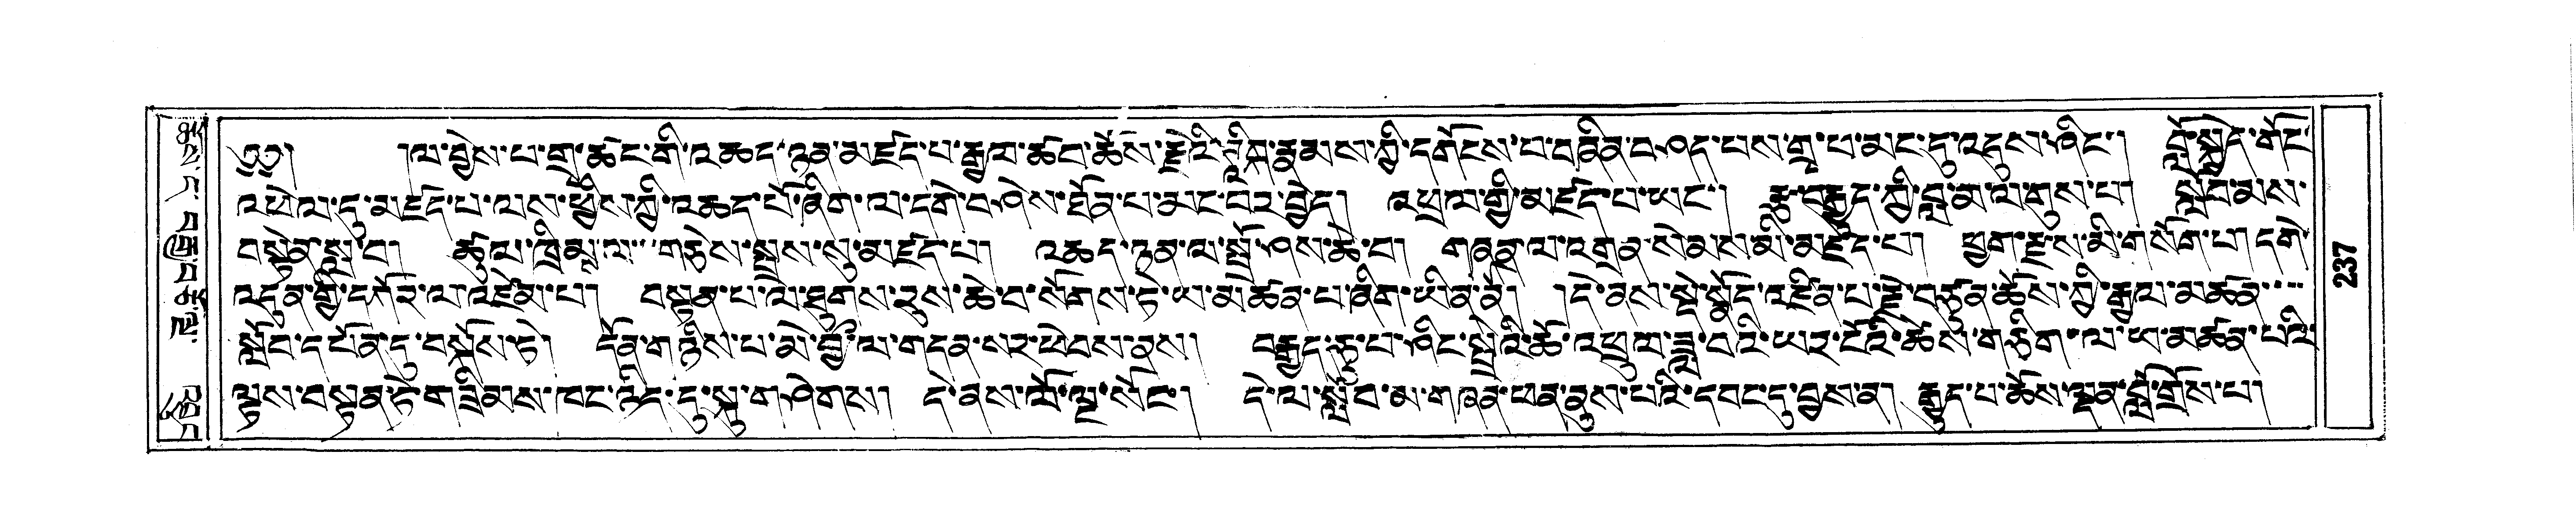༄༅། །ལ་བྱེས་པ་གྲ་ཚང་གི་འཆད་ཉན་མཛད་པ་རྒྱལ་ཚབ་ཆོས་རྗེའི་ཊཱིཀྐ་རྣམས་ཀྱི་དགོངས་པ་བཞིན་བཤད་པས་གྲྭ་པ་མང་དུ་འདུས་ཤིང་། བློ་སྐྱེད་གོང་
འཕེལ་དུ་མཛད་པ་ལས་ཕྱིས་ཀྱི་འཆད་པོ་ཞིག་ལ་དགེ་བཤེས་ཐོན་པ་མང་བར་བྱེད། འཕྲལ་གྱི་མཛད་པ་ཡང་། རྩ་བརྒྱུད་ཀྱི་བླ་མ་ལ་གུས་པ། སློབ་མས་
བསྟེན་སླ་བ། ཚུལ་ཁྲིམས་ལ་གཅེས་སྤྲས་སུ་མཛད་པ། འཆད་ཉན་ལ་སྤྲོ་ཤས་ཆེ་བ། གཞན་ལ་འགྲན་སེམས་མི་མཛད་པ། ཕྱག་རྫས་མི་གསོག་པ། དགེ་
འདུན་གྱི་དཀོར་ལ་འཛེམ་པ། བསྟན་པ་ལ་ཐུགས་རུས་ཆེ་བ་སོགས་ཏེ་ཡ་མཚན་པ་ཞིག་ཡིན་ནོ། །དེ་ནས་སྡེ་སྣོད་འཛིན་པ་རྗེ་བཙུན་ཆོས་ཀྱི་རྒྱལ་མཚན་
སློབ་དཔོན་དུ་བསྐོས་ཏེ། དོན་གཉིས་པ་མེ་བྱྀ་ལ་གདན་སར་ཕེབས་ནས། བརྒྱད་ཅུ་པ་ཤིང་སྤྲེའི་ཆོ་འཕྲུལ་ཟླ་བའི་ཡར་ངོའི་ཚེས་གཅིག་ལ་ཡ་མཚན་པའི་
ལྟས་བསྟན་ཏེ་གཟིམས་ཁང་ཉིད་དུ་སྐུ་གཤེགས། དེ་ནས་ལོ་ལྔ་སོང་། དེ་ལ་སློབ་མ་གཞན་ཕན་ནུས་པའི་དབང་དུ་བྱས་ན། རྒྱུད་པ་ཆོས་ལྡན་བློ་གྲོས་པ།